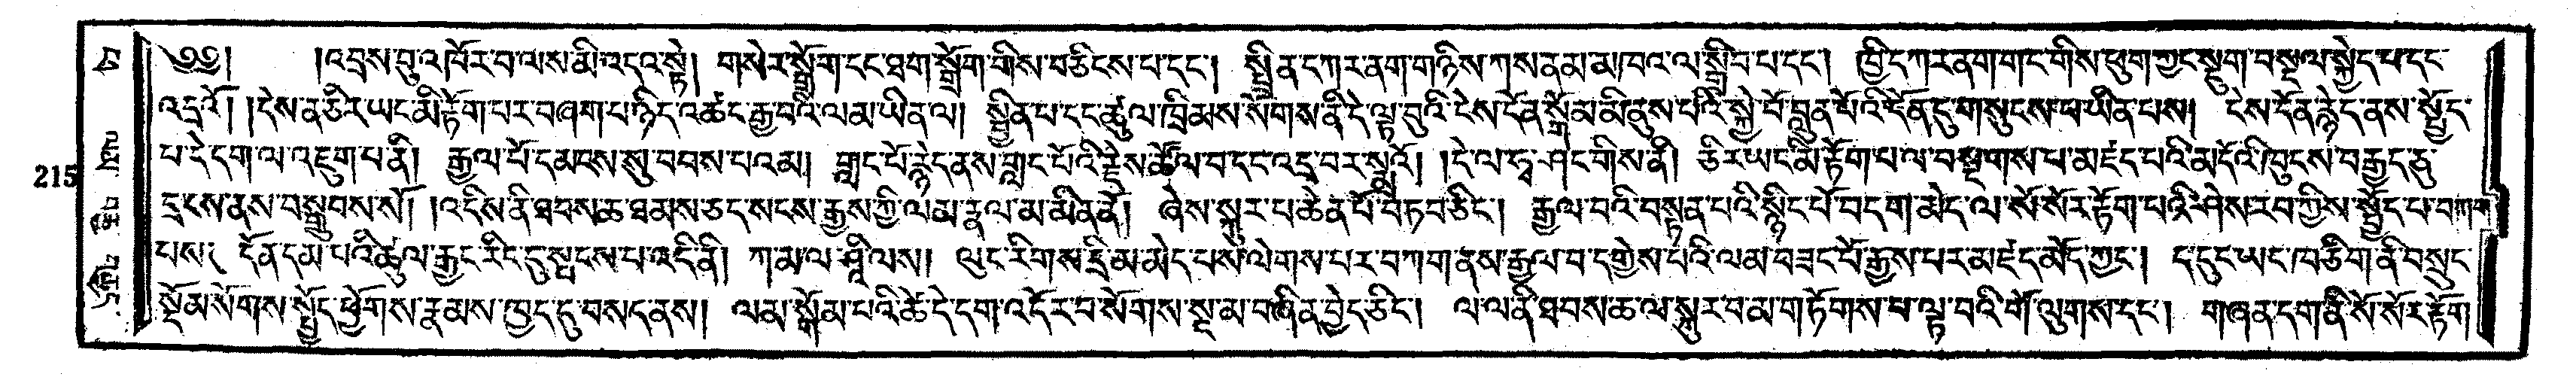༄༅། །འབྲས་བུ་འཁོར་བ་ལས་མི་འདའ་སྟེ། གསེར་སྒྲོག་དང་ཐག་སྒྲོག་གིས་བཅིངས་པ་དང་། སྤྲིན་དཀར་ནག་གཉིས་ཀས་ནམ་མཁའ་ལ་སྒྲིབ་པ་དང་། ཁྱི་དཀར་ནག་གང་གིས་ཕུག་ཀྱང་སྡུག་བསྔལ་སྐྱེད་པ་དང་
འདྲའོ། །དེས་ན་ཅིར་ཡང་མི་རྟོག་པར་བཞག་པ་ཉིད་འཚང་རྒྱ་བའི་ལམ་ཡིན་ལ། སྦྱིན་པ་དང་ཚུལ་ཁྲིམས་སོགས་ནི་དེ་ལྟ་བུའི་ངེས་དོན་སྒོམ་མི་ནུས་པའི་སྐྱེ་བོ་བླུན་པོའི་དོན་དུ་གསུངས་པ་ཡིན་པས། ངེས་དོན་རྙེད་ནས་སྤྱོད་
པ་དེ་དག་ལ་འཇུག་པ་ནི། རྒྱལ་པོ་དམངས་སུ་བབས་པའམ། གླང་པོ་རྙེད་ནས་གླང་པོའི་རྗེས་ཚོལ་བ་དང་འདྲ་བར་སྨྲའོ། །དེ་ལ་ཧྭ་ཤང་གིས་ནི། ཅིར་ཡང་མི་རྟོག་པ་ལ་བསྔགས་པ་མཛད་པའི་མདོའི་ཁུངས་བརྒྱད་ཅུ་
དྲངས་ནས་བསྒྲུབས་སོ། །འདིས་ནི་ཐབས་ཆ་ཐམས་ཅད་སངས་རྒྱས་ཀྱི་ལམ་རྣལ་མ་མིན་ནོ། ཞེས་སྐུར་པ་ཆེན་པོ་བཏབ་ཅིང་། རྒྱལ་བའི་བསྟན་པའི་སྙིང་པོ་བདག་མེད་ལ་སོ་སོར་རྟོག་པའི་ཤེས་རབ་ཀྱིས་སྤྱོད་པ་བཀག་
པས༑ དོན་དམ་པའི་ཚུལ་རྒྱང་རིང་དུ་སྤངས་པ་འདི་ནི། ཀ་མ་ལ་ཤཱི་ལས། ལུང་རིགས་དྲི་མ་མེད་པས་ལེགས་པར་བཀག་ནས་རྒྱལ་བ་དགྱེས་པའི་ལམ་བཟང་པོ་རྒྱས་པར་མཛད་མོད་ཀྱང་། ད་དུང་ཡང་ཁ་ཅིག་ནི་བསྲུང་
སྡོམ་སོགས་སྤྱོད་ཕྱོགས་རྣམས་ཁྱད་དུ་བསད་ནས། ལམ་སྒོམ་པའི་ཚེ་དེ་དག་འདོར་བ་སོགས་སྔ་མ་བཞིན་བྱེད་ཅིང་། ལ་ལ་ནི་ཐབས་ཆ་ལ་སྐུར་བ་མ་གཏོགས་པ་ལྟ་བའི་གོ་ལུགས་དང་། གཞན་དག་ནི་སོ་སོར་རྟོག་